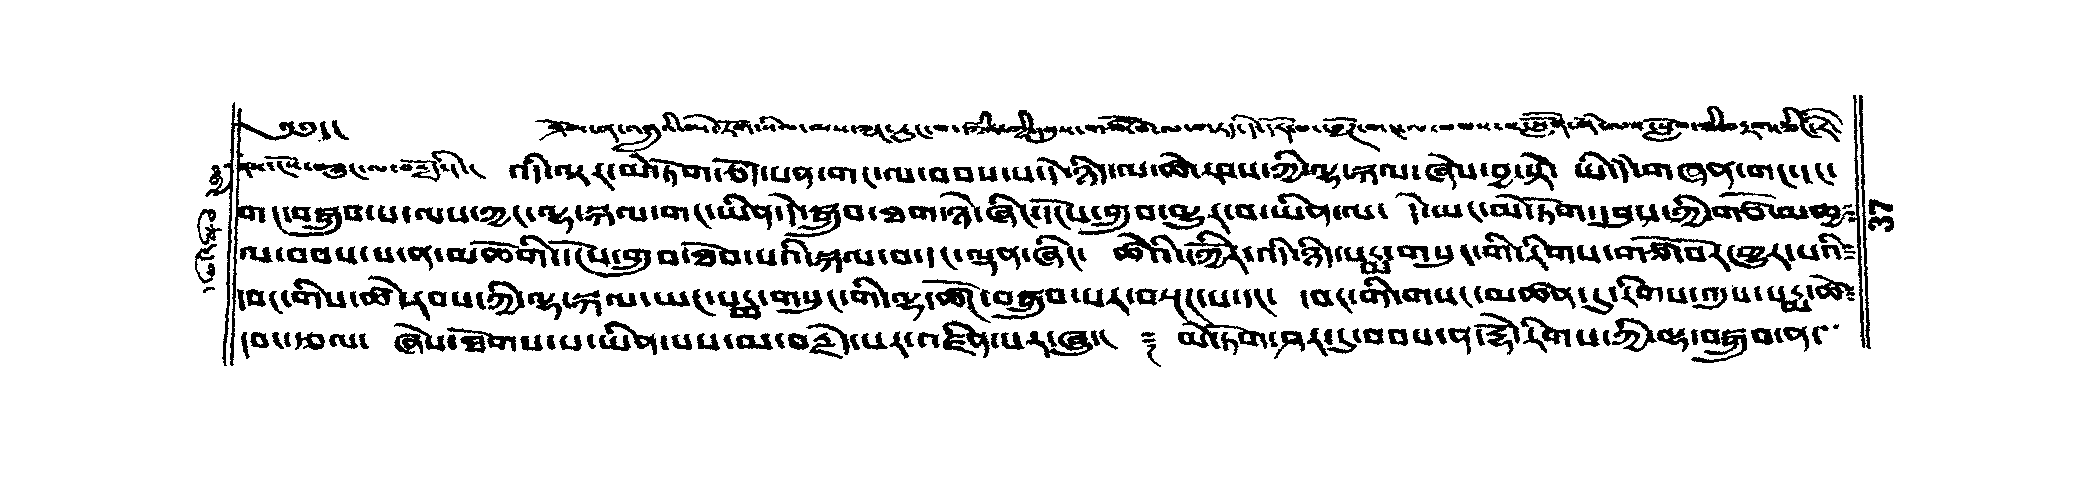ཤོམ་ན་བསྒྲུའི་མེ་ཏོག་སེལ་ལས་ཀྱང་རུང་བ་དཀྱིལ་འཁོར་གྱི་དབུས་གཙོ་བོ་ལ་གཏད་དེ་དོར་བ་ཕྱོགས་གང་ལ་བབས་པ་སློབ་དཔོན་ནམ་ལས་སློབ་ཀྱི་བརྟབ་ཅིང་རེ་རེ་
ནས་ངོས་བཟུང་ལ་བརྗོད་དེ། འདིར་ལྟར་མེ་ཏོག་ཅོད་པན་གང་ལ་བབས་པ་དེ་ཉིད་ལ་ཚེ་རབས་ཀྱི་ལྷ་སྐལ་ཞེས་བྱ་སྟེ། ཡི་དམ་གཞན་གང་དང་
གང་བསྒྲུབ་པ་ལས་ཀྱང་ལྷ་སྐལ་གང་ཡིན་དེ་སྒྲུབ་ཐག་ཉེ་ཞིང་དངོས་གྲུབ་མྱུར་བ་ཡིན་ལ། དེ་ཡང་མེ་ཏོག་དབུས་ཀྱི་གཙོ་མཆོག་
ལ་བབས་པ་ན་མཆོག་གི་དངོས་གྲུབ་ཐོབ་པའི་སྐལ་བ་དང་ལྡན་ཞིང་། ཚེའི་དཀྱིལ་འཁོར་འདི་ནིད་པདྨ་གསུང་གི་རིགས་གཙོ་བོར་གྱུར་པའི་
དབང་གིས་ཚེ་རབས་ཀྱི་ལྷ་སྐལ་ཡང་པདྨ་གསུང་གི་ལྷ་ཚོགས་བསྒྲུབ་པར་བསྔགས་པ་དང་། དབང་གིས་གསང་མཚན་དུ་རིགས་འདུས་པདྨ་ཚེ་
དབང་རྩལ། ཞེས་ཐོགས་པ་ཧཡིན་པས་མ་བརྗེད་པར་འཛིན་པར་ཞུ། ༈ མེ་ཏོག་ཤར་དུ་བབས་ན་རྡོ་རྗེ་རིགས་ཀྱི་ལྷ་བསྒྲུབ་ན་